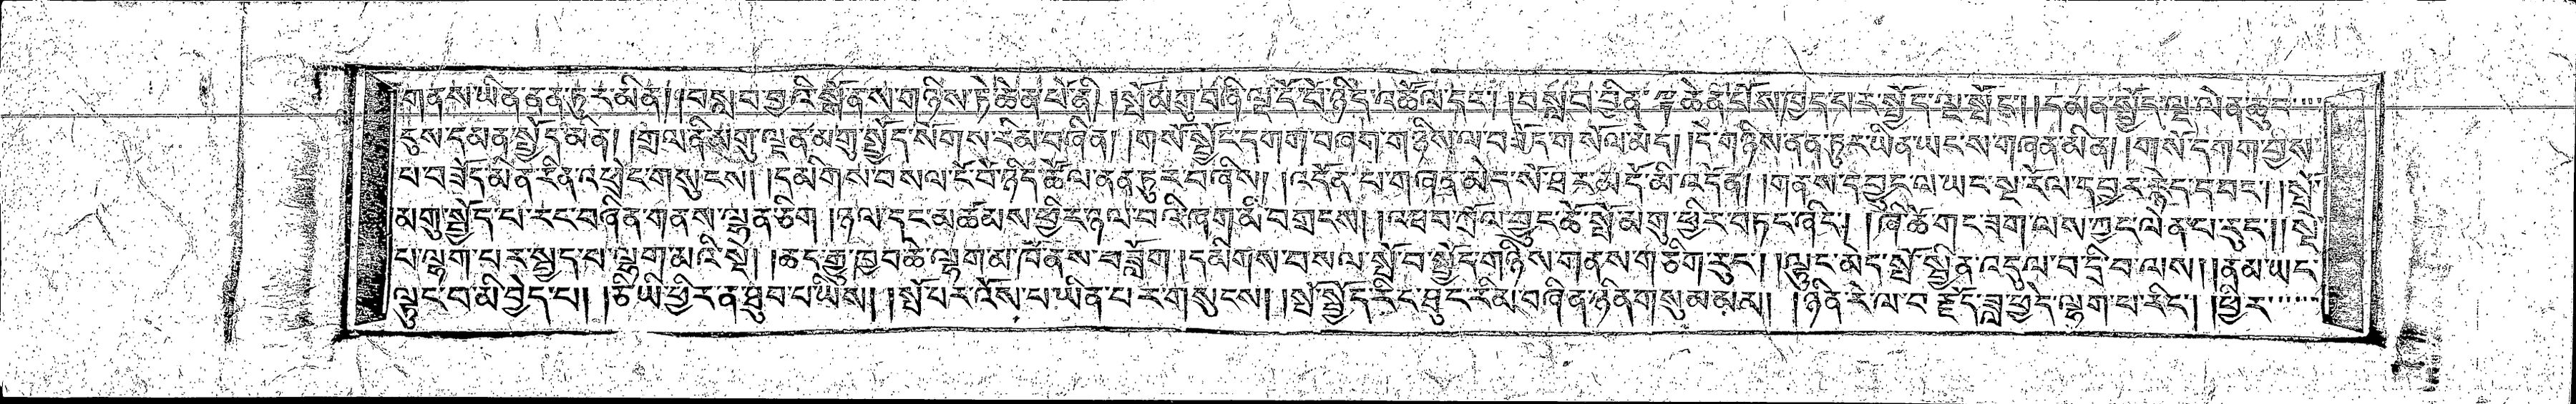གནས་ཡིན་ནན་ཏུར་མིན། །བསླབ་བྱའི་སྒོ་ནས་གཉིས་ཏེ་ཆེན་པོ་ནི། །སྤོ་མགུ་བཞི་ལྔ་ངོ་བོ་ཉིད་འཚོལ་དང་། །བསླབ་བྱིན་༈ ཆེན་པོས་ཁྱད་པར་སྤྱོད་ལྔ་སྤོང་། །དམན་སྤྱོད་ལྔ་ལེན་ཆུང་
དུས་དམན་སྤྱོད་མིན། །གྲལ་ནི་མགུ་ལྡན་མགུ་སྤྱོད་སོགས་རིམ་བཞིན། །གསོ་སྦྱོང་དགག་བཞག་གཉིས་ལ་བཟོད་གསོལ་མེད། །དེ་གཉིས་ནན་ཏུར་ཡིན་ཡང་ས་གཞན་མིན། །གསོ་དགག་བྱས་
པ་བཟོད་མིན་རིན་འཕྲེང་གསུངས། །དམིགས་བསལ་ངོ་བོ་ཉིད་ཚོལ་ནན་ཏུར་བཞིས། །འདོན་པ་གཞན་མེད་སོ་ཐར་མདོ་མི་འདོན། །གནས་དབྱུང་ལ་ཡང་སྔ་རོལ་དབྱར་རྙེད་དབང་། །སྤོ་
མགུ་སྤྱོད་པ་རང་བཞིན་གནས་ལྷན་ཅིག །ཉལ་དང་མཚམས་ཕྱིར་ཉལ་བའི་ཞག་མི་བགྲངས། །འཐབ་ཀྲོལ་བྱུང་ཆོ་སྤོ་མགུ་ཕྱིར་བཏང་ཞིང་། །ཞི་ཆོ་གང་ཟག་ལས་ཀྱང་ལེན་པ་རུང་། །སྡེ་
པ་ལྷག་པར་སྤྱད་པ་ལྷག་མའི་སྡེ། །ཆང་རྒྱུ་ཁྱབ་ཆེ་ལྷག་མ་ཁོ་ནས་བཟློག །དམིགས་བསལ་སྤོ་བ་སྤྱོད་གཉིས་གནས་གཅིག་རུང་། །ལྟུང་མེད་སྤོ་སྦྱིན་འདུལ་བ་དྲི་བ་ལས། །ནམ་ཡང་
ལྟུང་བ་མི་བྱེད་པ། །ཅི་ཡི་ཕྱིར་ན་ཐུབ་པ་ཡིས། །སྤོ་པར་འོས་པ་ཡིན་པར་གསུངས། །སྤོ་སྦྱོད་རིང་ཐུང་རིམ་བཞིན་ཉིན་གསུམ་མམ། །ཉིན་རེ་ལ་བརྗོད་ཟླ་ཕྱེད་ལྷག་པ་རིང་། །ཕྱིར་